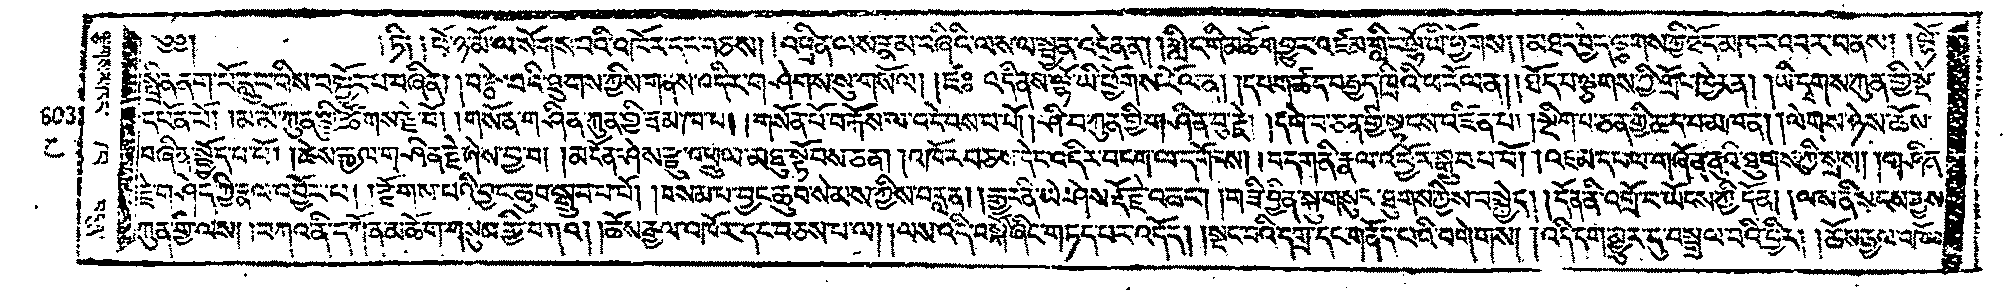༄༅། །ཏི༑ ༑ཕོ་ཉ་མོ་ལ་སོགས་པའི་འཁོར་དང་བཅས། །འཕྲིན་ལས་རྣམ་བཞིའི་ལས་ལ་སྤྱན་འདྲེན་ན། །གླིང་གི་མཆོག་གྱུར་འཛམ་གླིང་ལྷོ་ཡི་ཕྱོགས། །མཐར་བྱེད་ལྕགས་ཀྱི་ཐོད་མཁར་འབར་བ་ནས། །ལྷོ་
སྤྲིན་ནག་པོ་རླུང་གིས་བསྐྱོང་པ་བཞིན། །བརྩེ་བའི་ཐུགས་ཀྱིས་གནས་འདིར་གཤེགས་སུ་གསོལ། །ཛཿ འདི་ནས་ལྷོ་ཡི་ཕྱོགས་རོལ་ན། །དཔག་ཚད་བརྒྱད་ཁྲིའི་ཕ་རོལ་ན། །ཐོད་པ་ལྕགས་ཀྱི་གྲོང་ཁྱེར་ན། །ཡི་དྭགས་ཀུན་གྱི་སྡེ་
དཔོན་པོ། །མ་མོ་ཀུན་གྱི་ཚོགས་རྗེ་བོ། །གསོན་གཤིན་ཀུན་གྱི་ཟམ་ཁ་པ། །གསོན་པོ་བརྐོས་ལ་འདེབས་པ་པོ། །ཤི་བ་ཀུན་གྱི་གཤིན་བུ་རྗེ། །དགེ་བ་ཅན་གྱི་སྟངས་འཛིན་པ། །སྡིག་པ་ཅན་གྱི་ཆད་པ་མཁན། །ལེགས་ཉེས་ཆོས་
བཞིན་སྤྱོད་པ་པོ། །ཆོས་རྒྱལ་གཤིན་རྗེ་ཞེས་བྱ་བ། །མངོན་ཤེས་རྫུ་འཕྲུལ་མཐུ་སྟོབས་ཅན། །འཁོར་བཅས་དེང་འདིར་བདག་ལ་དགོངས། །བདག་ནི་རྣལ་འབྱོར་སྒྲུབ་པ་པོ། །འཇམ་དཔལ་གཞོན་ནུའི་ཐུགས་ཀྱི་སྲས། །གཤིན་
རྗེ་གཤེད་ཀྱི་རྣལ་འབྱོར་པ། །རྫོགས་པའི་བྱང་ཆུབ་སྒྲུབ་པ་པོ། །བསམ་པ་བྱང་ཆུབ་སེམས་ཀྱིས་བརླན། །རྒྱར་ནི་ཡེ་ཤེས་རྡོ་རྗེ་འཆང་། །གཞི་བྱིན་སྐུ་གསུང་ཐུགས་ཀྱིས་བསྐྱེད། །དོན་ནི་འགྲོ་བ་ཡོངས་ཀྱི་དོན། །ལས་ནི་སངས་རྒྱས་
ཀུན་གྱི་ལས། །བཀའ་ནི་དཀོན་མཆོག་གསུམ་གྱི་བཀའ། །ཆོས་རྒྱལ་འཁོར་དང་བཅས་པ་ལ། །ལས་འདི་བསྐོ་ཞིང་གཏད་པར་འདོད། །སྡང་བའི་དགྲ་དང་གནོད་པའི་བགེགས། །འདི་དང་མྱུར་དུ་བསྒྲལ་བའི་ཕྱིར། །ཆོས་རྒྱལ་འཁོར་